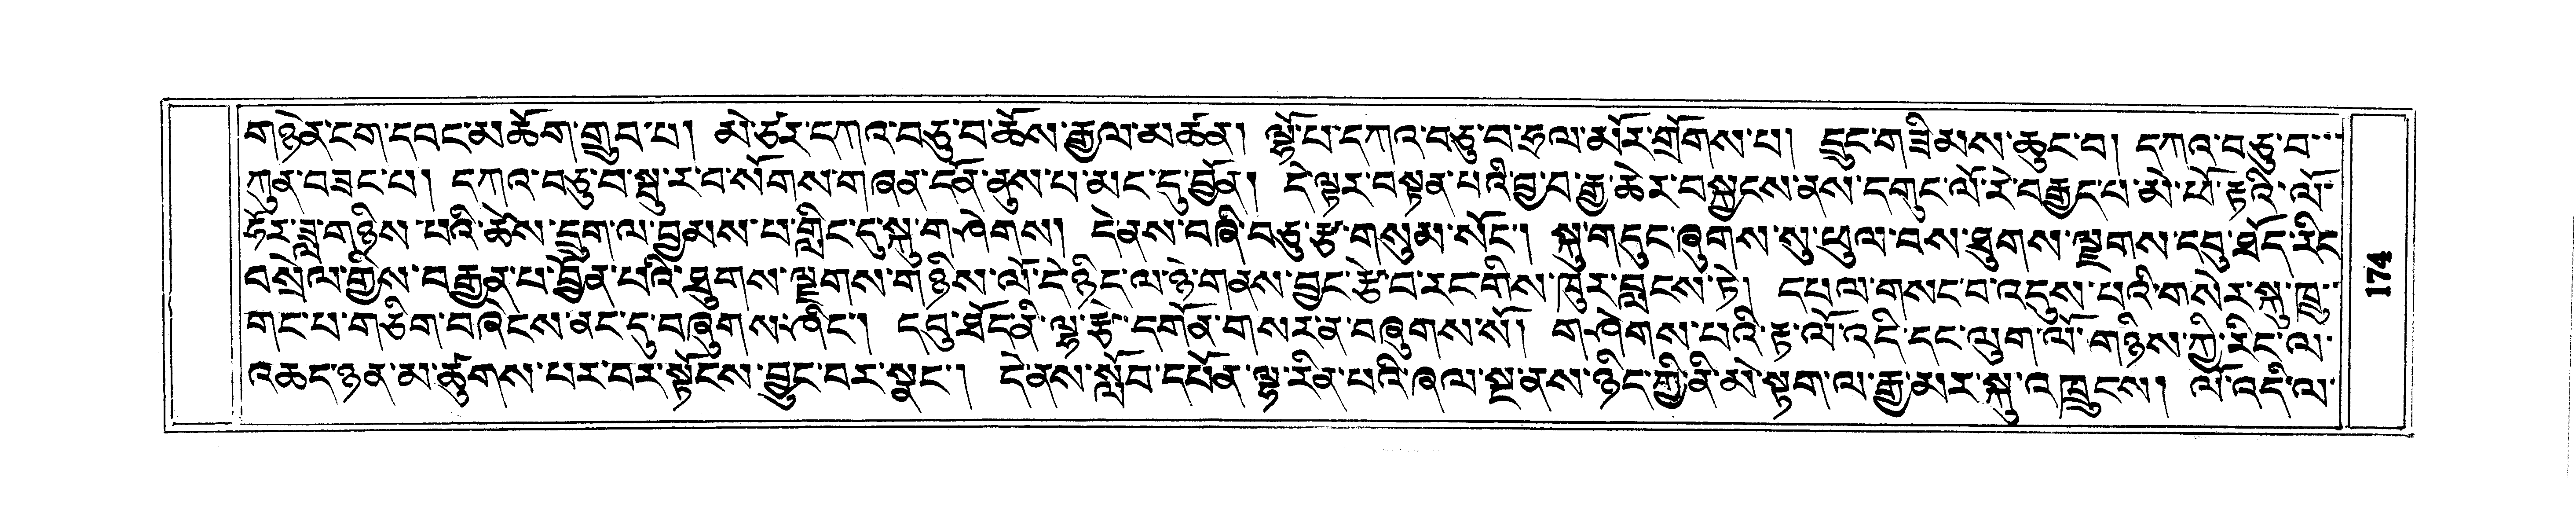གཉེན་ངག་དབང་མཆོག་གྲུབ་པ། མེ་ཙར་དཀའ་བཅུ་བ་ཆོས་རྒྱལ་མཚན། ལྷོ་པ་དཀའ་བཅུ་བ་ཁྲལ་མོར་གྲོགས་པ། དྲུང་གཟིམས་ཆུང་བ། དཀའ་བཅུ་བ་
ཀུན་བཟང་པ། དཀའ་བཅུ་བ་སྦུ་ར་བ་སོགས་གཞན་དོན་ནུས་པ་མང་དུ་བྱོན། དེ་ལྟར་བསྟན་པའི་བྱ་བ་རྒྱ་ཆེར་བསྐྱངས་ནས་དགུང་ལོ་རེ་བརྒྱད་པ་མེ་ཕོ་རྟའི་ལོ་
ཧོར་ཟླ་གཉིས་པའི་ཚེས་དྲུག་ལ་བྱམས་པ་གླིང་དུ་སྐུ་གཤེགས། དེ་ནས་བཞི་བཅུ་རྩ་གསུམ་སོང་། སྐུ་གདུང་ཞུགས་སུ་ཕུལ་བས་ཐུགས་ལྗགས་དབུ་ཐོད་རིང་
བསྲེལ་གྱིས་བརྒྱན་པ་བྱོན་པའི་ཐུགས་ལྗགས་གཉིས་ལོ་དེ་ཉིད་ལ་ཉེ་གནས་བྱང་རྩེ་བ་རང་གིས་ཁུར་བླངས་ཏེ། དཔལ་གསང་བ་འདུས་པའི་གསེར་སྐུ་ཁྲུ་
གང་པ་གཅིག་བཞེངས་ནང་དུ་བཞུགས་ཤིང་། དབུ་ཐོད་ནི་ལྷ་རྩེ་དགོན་གསར་ན་བཞུགས་སོ། །གཤེགས་པའི་རྟ་ལོ་འདི་དང་ལུག་ལོ་གཉིས་ཀྱི་རིང་ལ་
འཆད་ཉན་མ་ཚུགས་པར་བར་སྟོངས་བྱུང་བར་སྣང་། དེ་ནས་སློབ་དཔོན་ལྷ་རིན་པའི་ཞལ་སྔ་ནས་ཉིད་གྱི་ནི་མེ་སྟག་ལ་རྒྱ་མར་སྐུ་འཁྲུངས། ལོ་འདི་ལ་